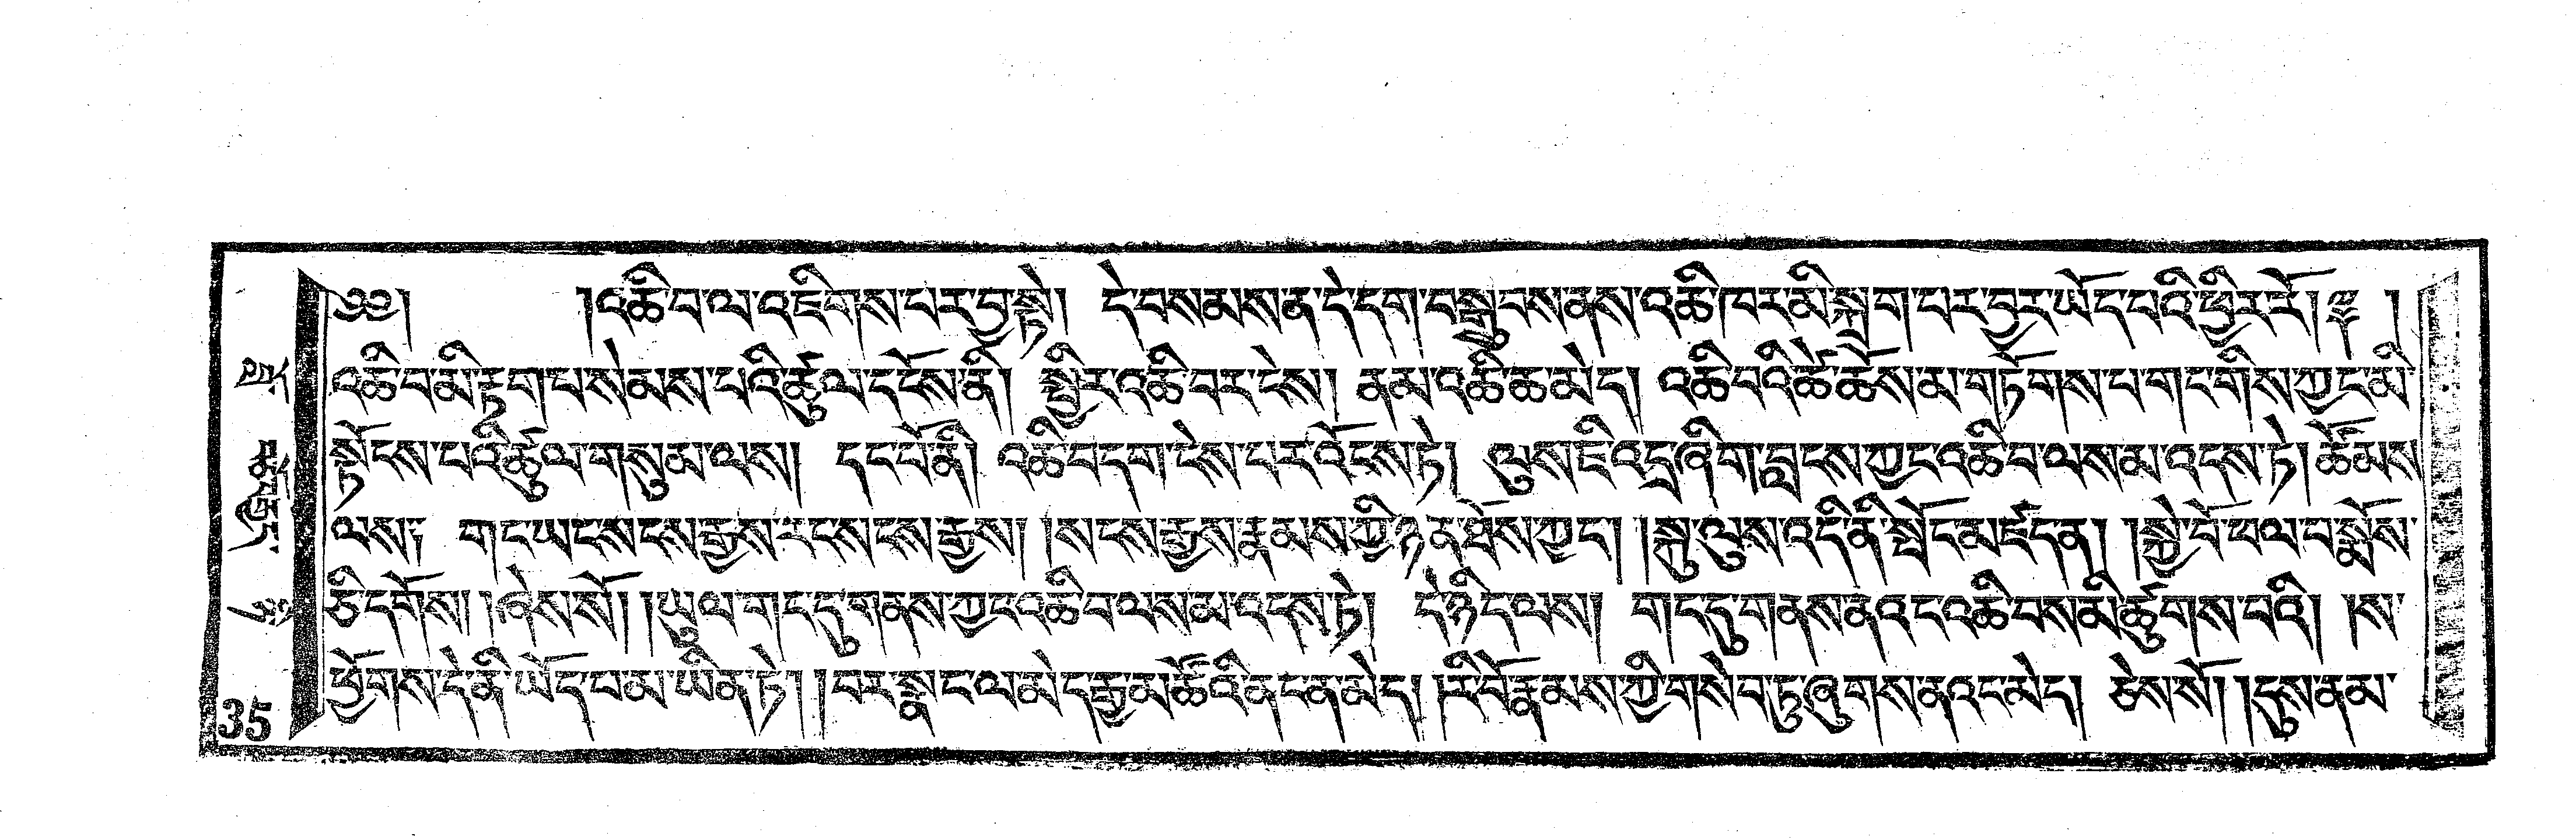༄༅། །འཆི་བ་ལ་འཇིགས་པར་བྱ་སྟེ། དེ་བསམས་ན་དེ་དག་བསྒྲུབས་ནས་འཆི་ཁར་མི་སྐྲག་བར་བྱར་ཡོད་པའི་ཕྱིར་རོ། ༈ །
འཆི་བ་མི་རྟག་པ་སེམས་པའི་ཚུལ་དངོས་ནི། སྤྱིར་འཆི་བར་ངེས། ནམ་འཆི་ཆ་མེད། འཆི་བའི་ཚེ་ཆོས་མ་གཏོགས་པ་གང་གིས་ཀྱང་མི་
སྟོངས་པའི་ཚུལ་གསུམ་ལས། དང་པོ་ནི། འཆི་བདག་ངེས་པར་འོངས་ཏེ། ལུས་ཇི་འདྲ་ཞིག་བླངས་ཀྱང་འཆི་བ་ལས་མ་འདས་ཏེ། ཚོམས་
ལས༑ གང་ཡང་སངས་རྒྱས་རང་སངས་རྒྱས། །སངས་རྒྱས་རྣམས་ཀྱི་ཉན་ཐོས་ཀྱང་། །སྐུ་ལུས་འདི་ནི་སྤོང་མཛད་ན། །སྐྱེ་བོ་ཕལ་བ་སྨོས་
ཅི་དགོས། །ཞེས་སོ། །ཡུལ་གང་དུ་གནས་ཀྱང་འཆི་བ་ལས་མ་འདས་ཏེ། དེ་ཉིད་ལས། གང་དུ་གནས་ནའང་འཆི་བས་མི་ཚུགས་པའི། །ས་
ཕྱོགས་དེ་ནི་ཡོད་པ་མ་ཡིན་ཏེ། །བར་སྣང་ལ་མེད་རྒྱ་མཚོའི་ནང་ན་མེད། །རི་བོ་རྣམས་ཀྱི་གསེབ་ཏུ་ཞུགས་ནའང་མེད། ཅེས་སོ། །དུས་ནམ་